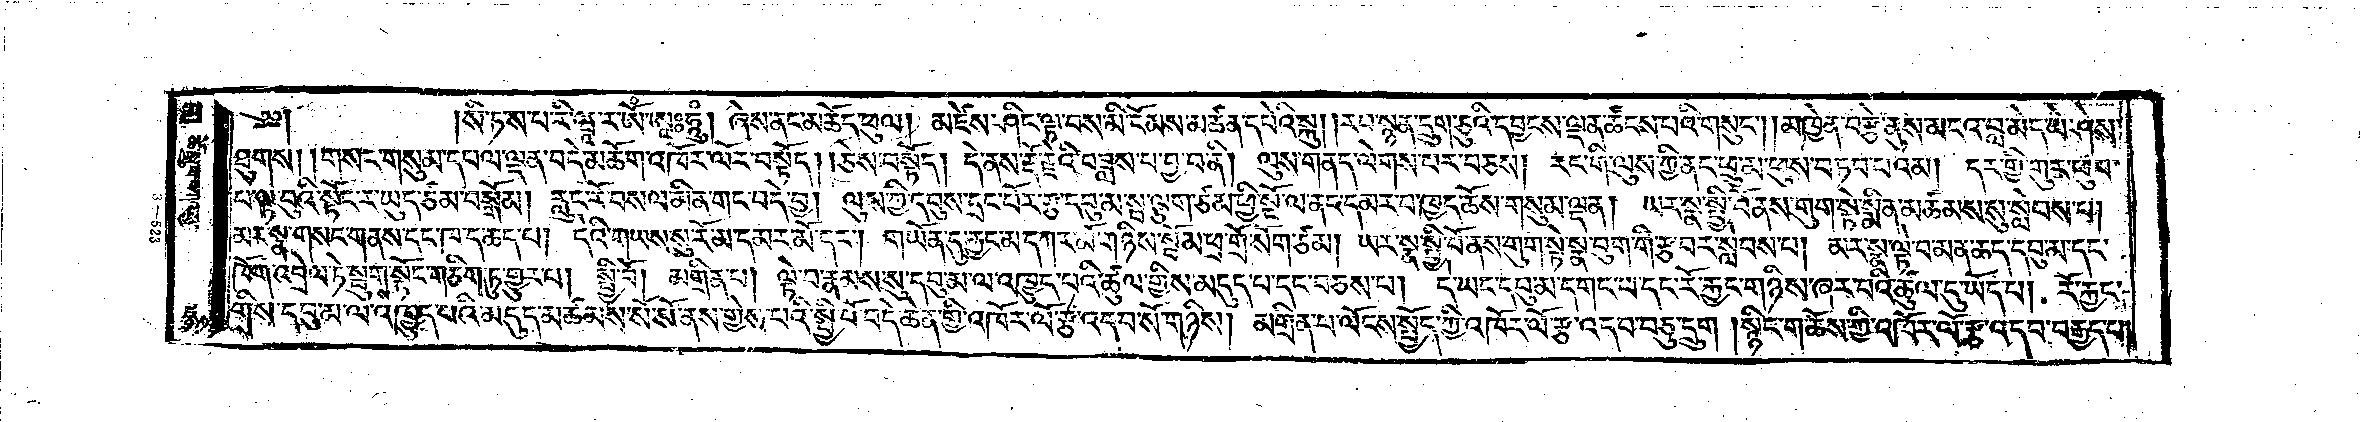༄༅། །སི་ཏ་ས་པ་རི་ཝཱ་ར་ཨོཾ་ཨཱཿཧཱུཾ། ཞེས་ནང་མཆོད་ཕུལ། མཛེས་ཤིང་ལྟ་བས་མི་ངོམས་མཚན་དཔེའི་སྐུ། །རབ་སྙན་དྲུག་ཅུའི་དབྱངས་ལྡན་ཚངས་པའི་གསུང་། །མཁྱེན་བརྩེ་ནུས་མངའ་བླ་མེད་ཡེ་ཤེས་
ཐུགས། །གསང་གསུམ་དཔལ་ལྡན་བདེ་མཆོག་འཁོར་ལོར་བསྟོད། །ཅེས་བསྟོད། དེ་ནས་རྡོ་རྗེའི་བཟླས་པ་བྱ་བ་ནི། ལུས་གནད་ལེགས་པར་བཅས། རང་གི་ལུས་ཀྱི་ནང་ཕྲུ་མ་ཕུས་བཏབ་པའམ། དར་གྱི་གུར་ཕུབ་
པ་ལྟ་བུའི་སྟོང་ར་ཡུད་ཙམ་བསྒོམ། རླུང་རོ་བསལ་མིན་གང་བདེ་བྱ། །ལུས་ཀྱི་དབུས་དྲང་པོར་རྩ་དབུ་མ་སྦ་ལྕག་ཙམ་ཕྱི་སྔོ་ལ་ནང་དམར་བ་ཁྱད་ཆོས་གསུམ་ལྡན། ཡར་སྣ་སྤྱི་བོ་ནས་གུག་སྟེ་སྨིན་མཚམས་སུ་སླེབས་པ།
མར་སྣ་གསང་གནས་དང་ཁད་ཆད་པ། དེའི་གཡས་སུ་རོ་མ་དམར་མོ་དང་། གཡོན་དུ་རྐྱང་མ་དཀར་མོ་གཉིས་སྦོམ་ཕྲ་གྲོ་སོག་ཙམ། ཡར་སྣ་སྤྱི་བོ་ནས་གུག་སྟེ་སྣ་བུག་གི་རྩ་བར་སླེབས་པ། མར་སྣ་ལྟེ་བ་མན་ཆད་དབུ་མ་དང་
ཁོག་འབྲེལ་ཏེ་སྦུགས་སྟོང་གཅིག་ཏུ་གྱུར་པ། སྤྱི་བོ། མགྲིན་པ། ལྟེ་བ་རྣམས་སུ་དབུ་མ་ལ་འཁྱུད་པའི་ཚུལ་གྱིས་མདུད་པ་དང་བཅས་པ། དེ་ཡང་དབུ་མ་དགང་པ་དང་རོ་རྐྱང་གཉིས་ཞར་བའི་ཚུལ་དུ་ཡོད་པ། རོ་རྐྱང་
གིས་དབུ་མ་ལ་འཁྱུད་པའི་མདུད་མཚམས་སོ་སོ་ནས་གྱེས་པའི་སྤྱི་བོ་བདེ་ཆེན་གྱི་འཁོར་ལོ་རྩ་འདབ་སོ་གཉིས། མགྲིན་པ་ལོངས་སྤྱོད་ཀྱི་འཁོར་ལོ་རྩ་འདབ་བཅུ་དྲུག །སྙིང་ག་ཆོས་ཀྱི་འཁོར་ལོ་རྩ་འདབ་བརྒྱད་པ་